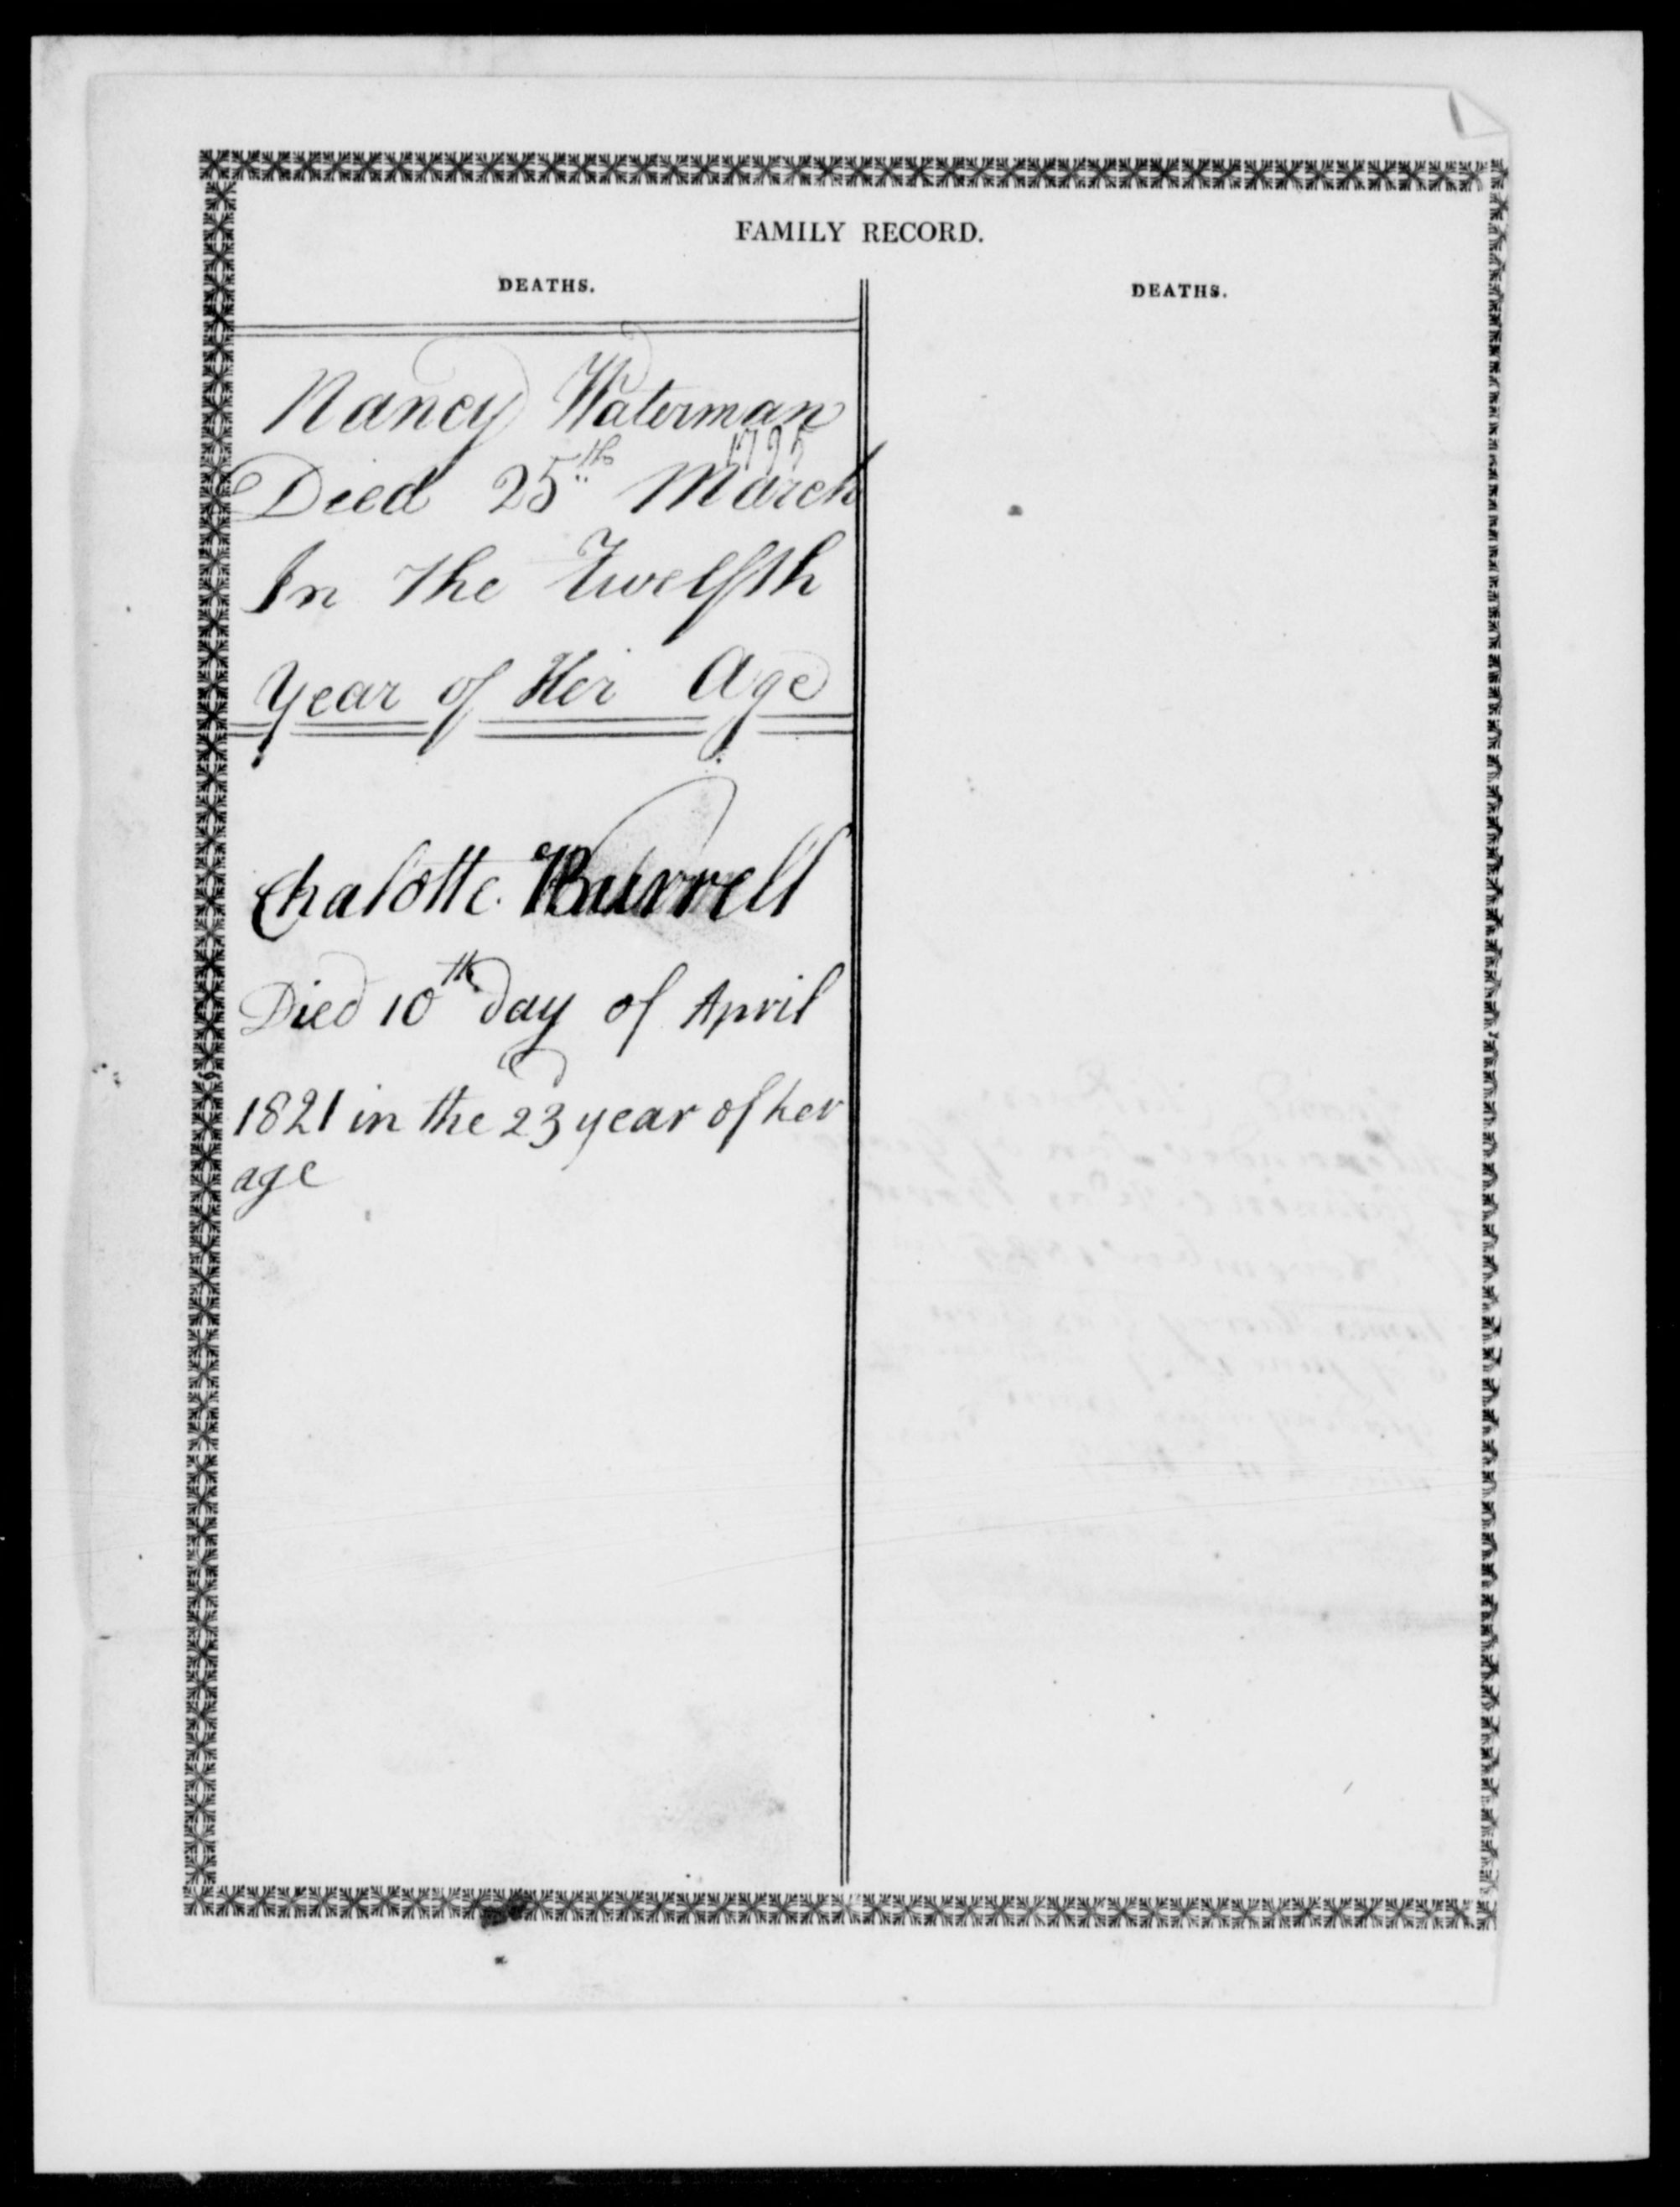FAMILY RECORD
DEATHS.
-------------------------------
Nancy Waterman
Died 25th March 1795
In the Twelfth
year of Her Age
--------------------------------
Charlotte Burrell
Died 10th day of April
1821 in the 23 year of her
age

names: Chalotte Burrell, Nancy Waterman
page: 19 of 50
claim: widow's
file: W. 15814, Glading Waterman, Conn. Conn. Sea Service Continental